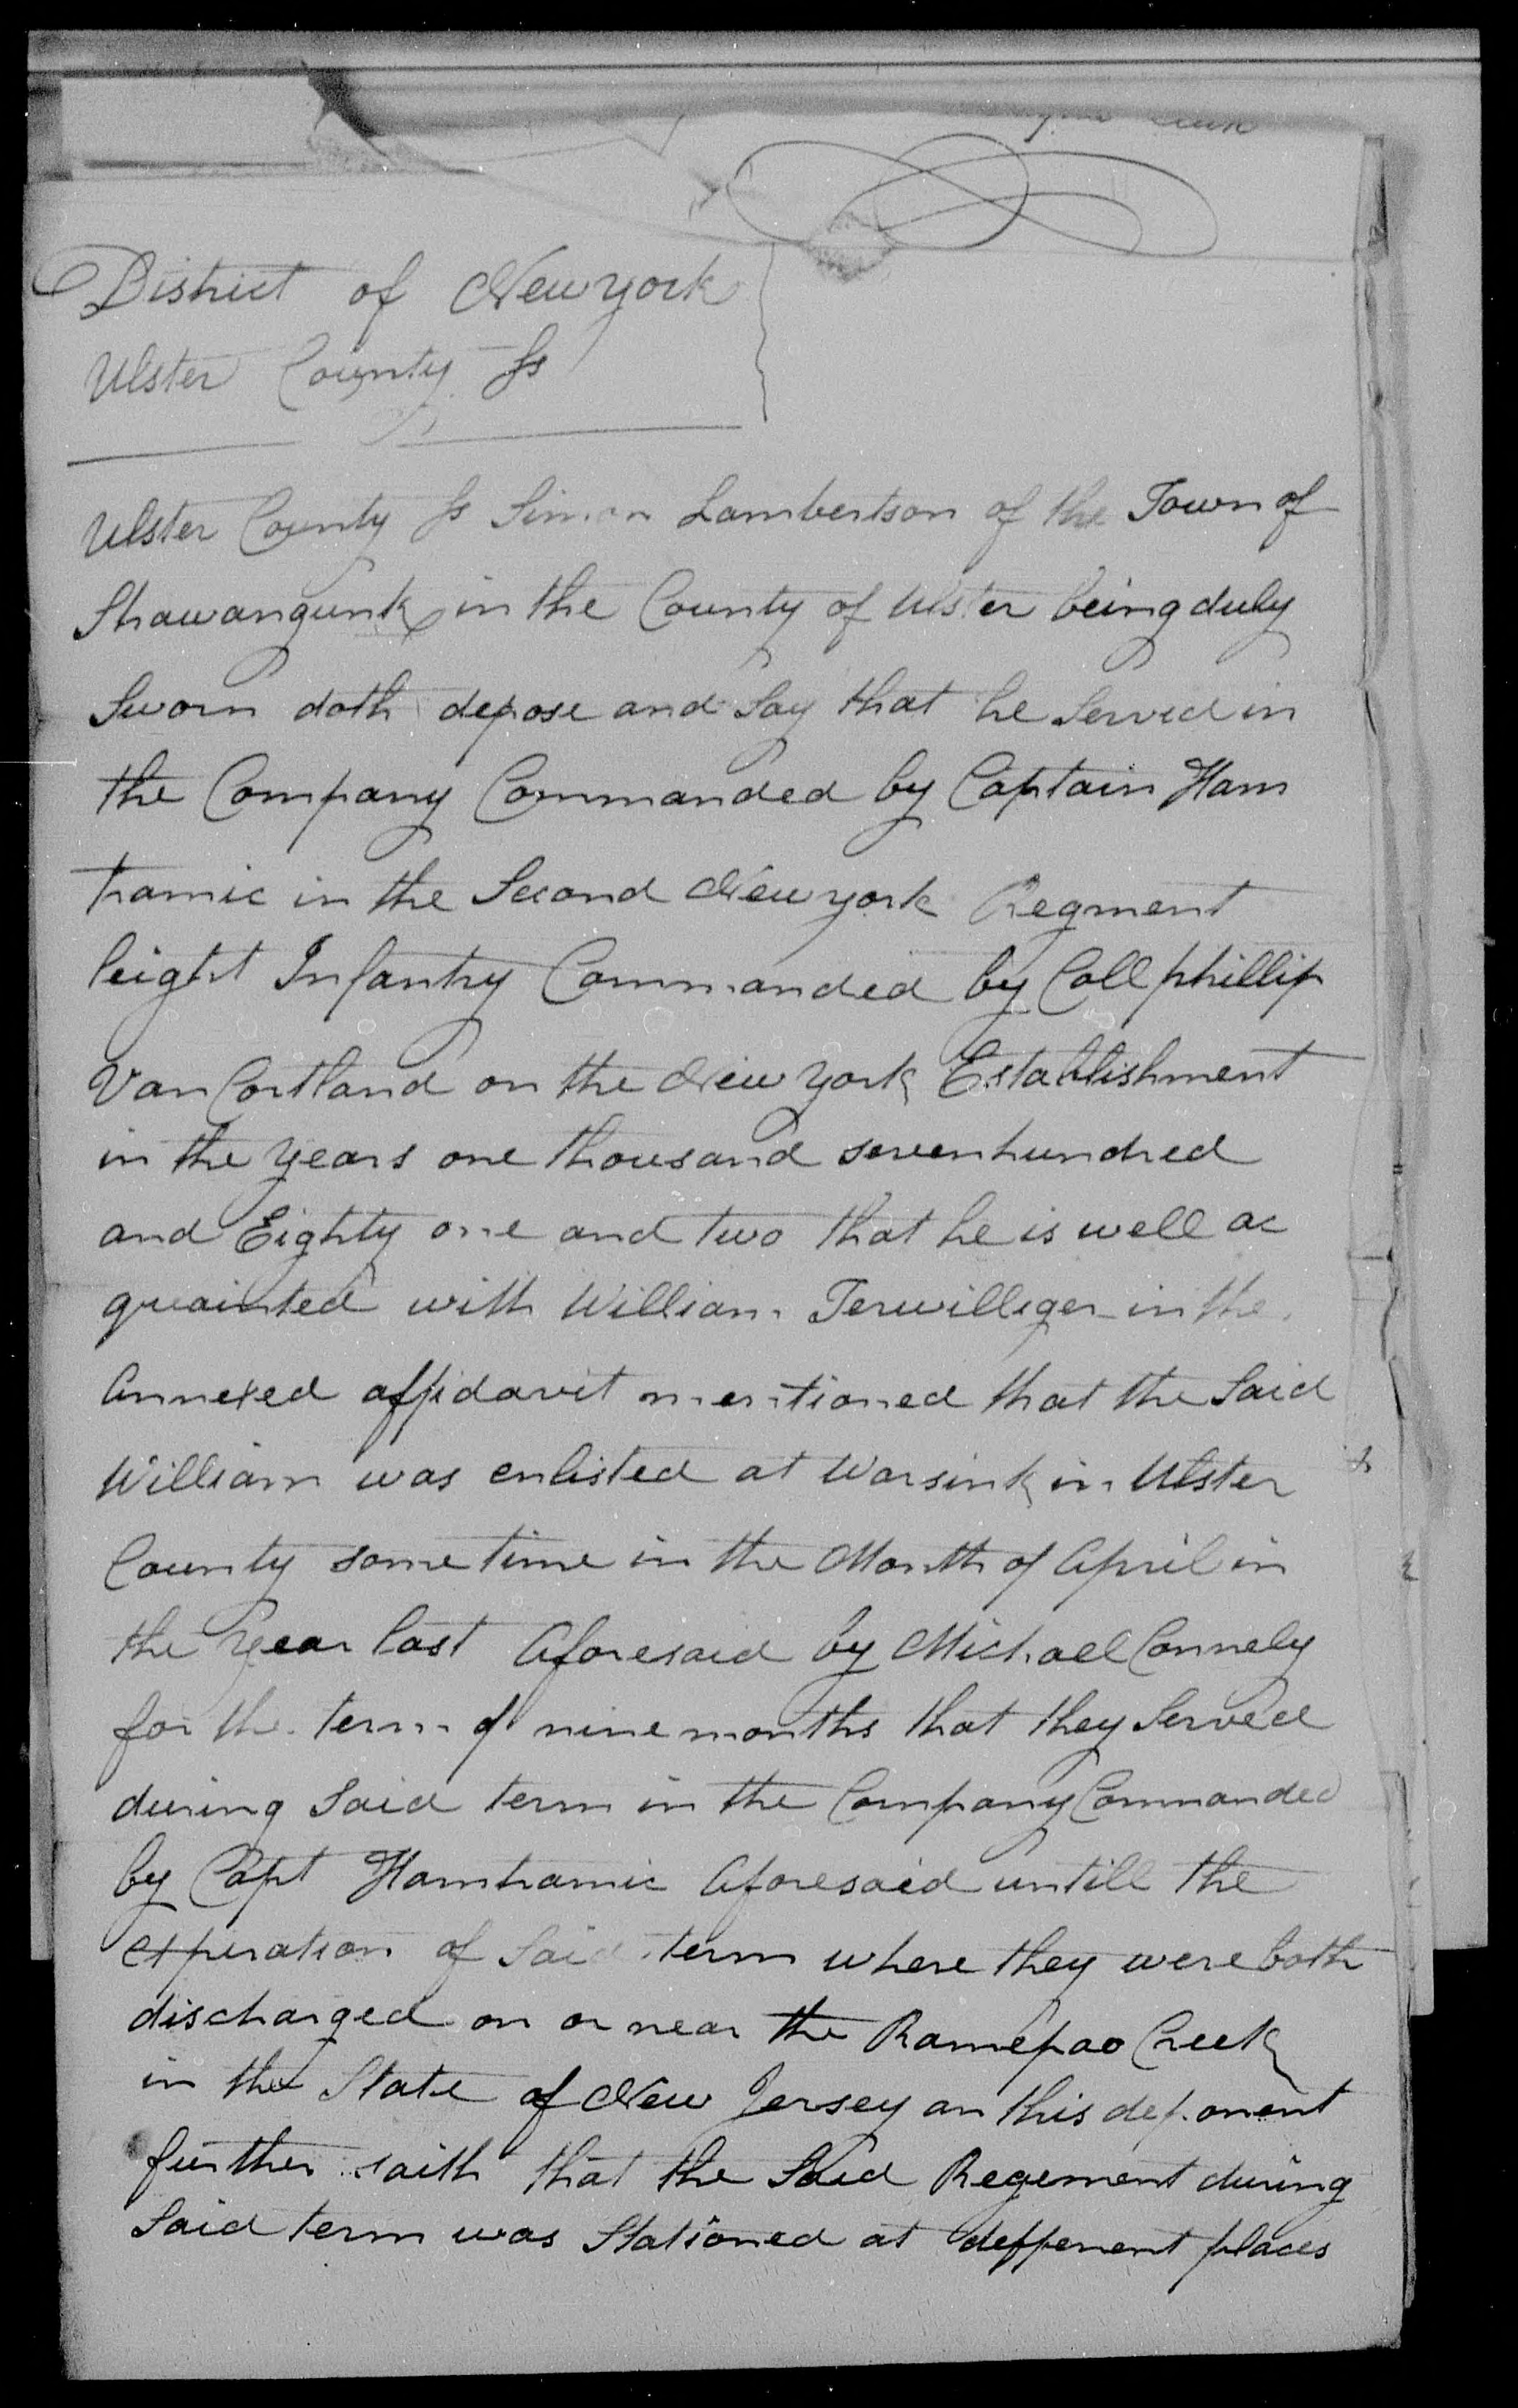District of New York
Ulster County ss

Ulster County ss Simon Lambertson of the Town of
Shawangunk in the County of Ulster being duly
Sworn doth depose and say that he served in
the Company commanded by Captain Hamtramic in the Second New York Regiment
light Infantry Commanded by Coll Phillip
Van Cortland on the New York Establishment
in the year one thousand seven hundred
and Eighty one and two that he is well acquainted with William Terwilliger in the
annexed affidavit mentioned that the said
William was enlisted at Warsink in Ulster
County some time in the month of April in
the year last aforesaid by Michael Connely
for the term of nine months that they Served
during said term in the Company commanded
by Capt Hamtramic aforesaid untill the
expiration of said term where they were both ┃
discharged on or near the Names Creek
in the State of New Jersey on this deponent
further saith that the said Regiment during
said term was stationed at different places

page: 7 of 64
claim: survivor's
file: S. 42,464, for William Terwilliger, New York